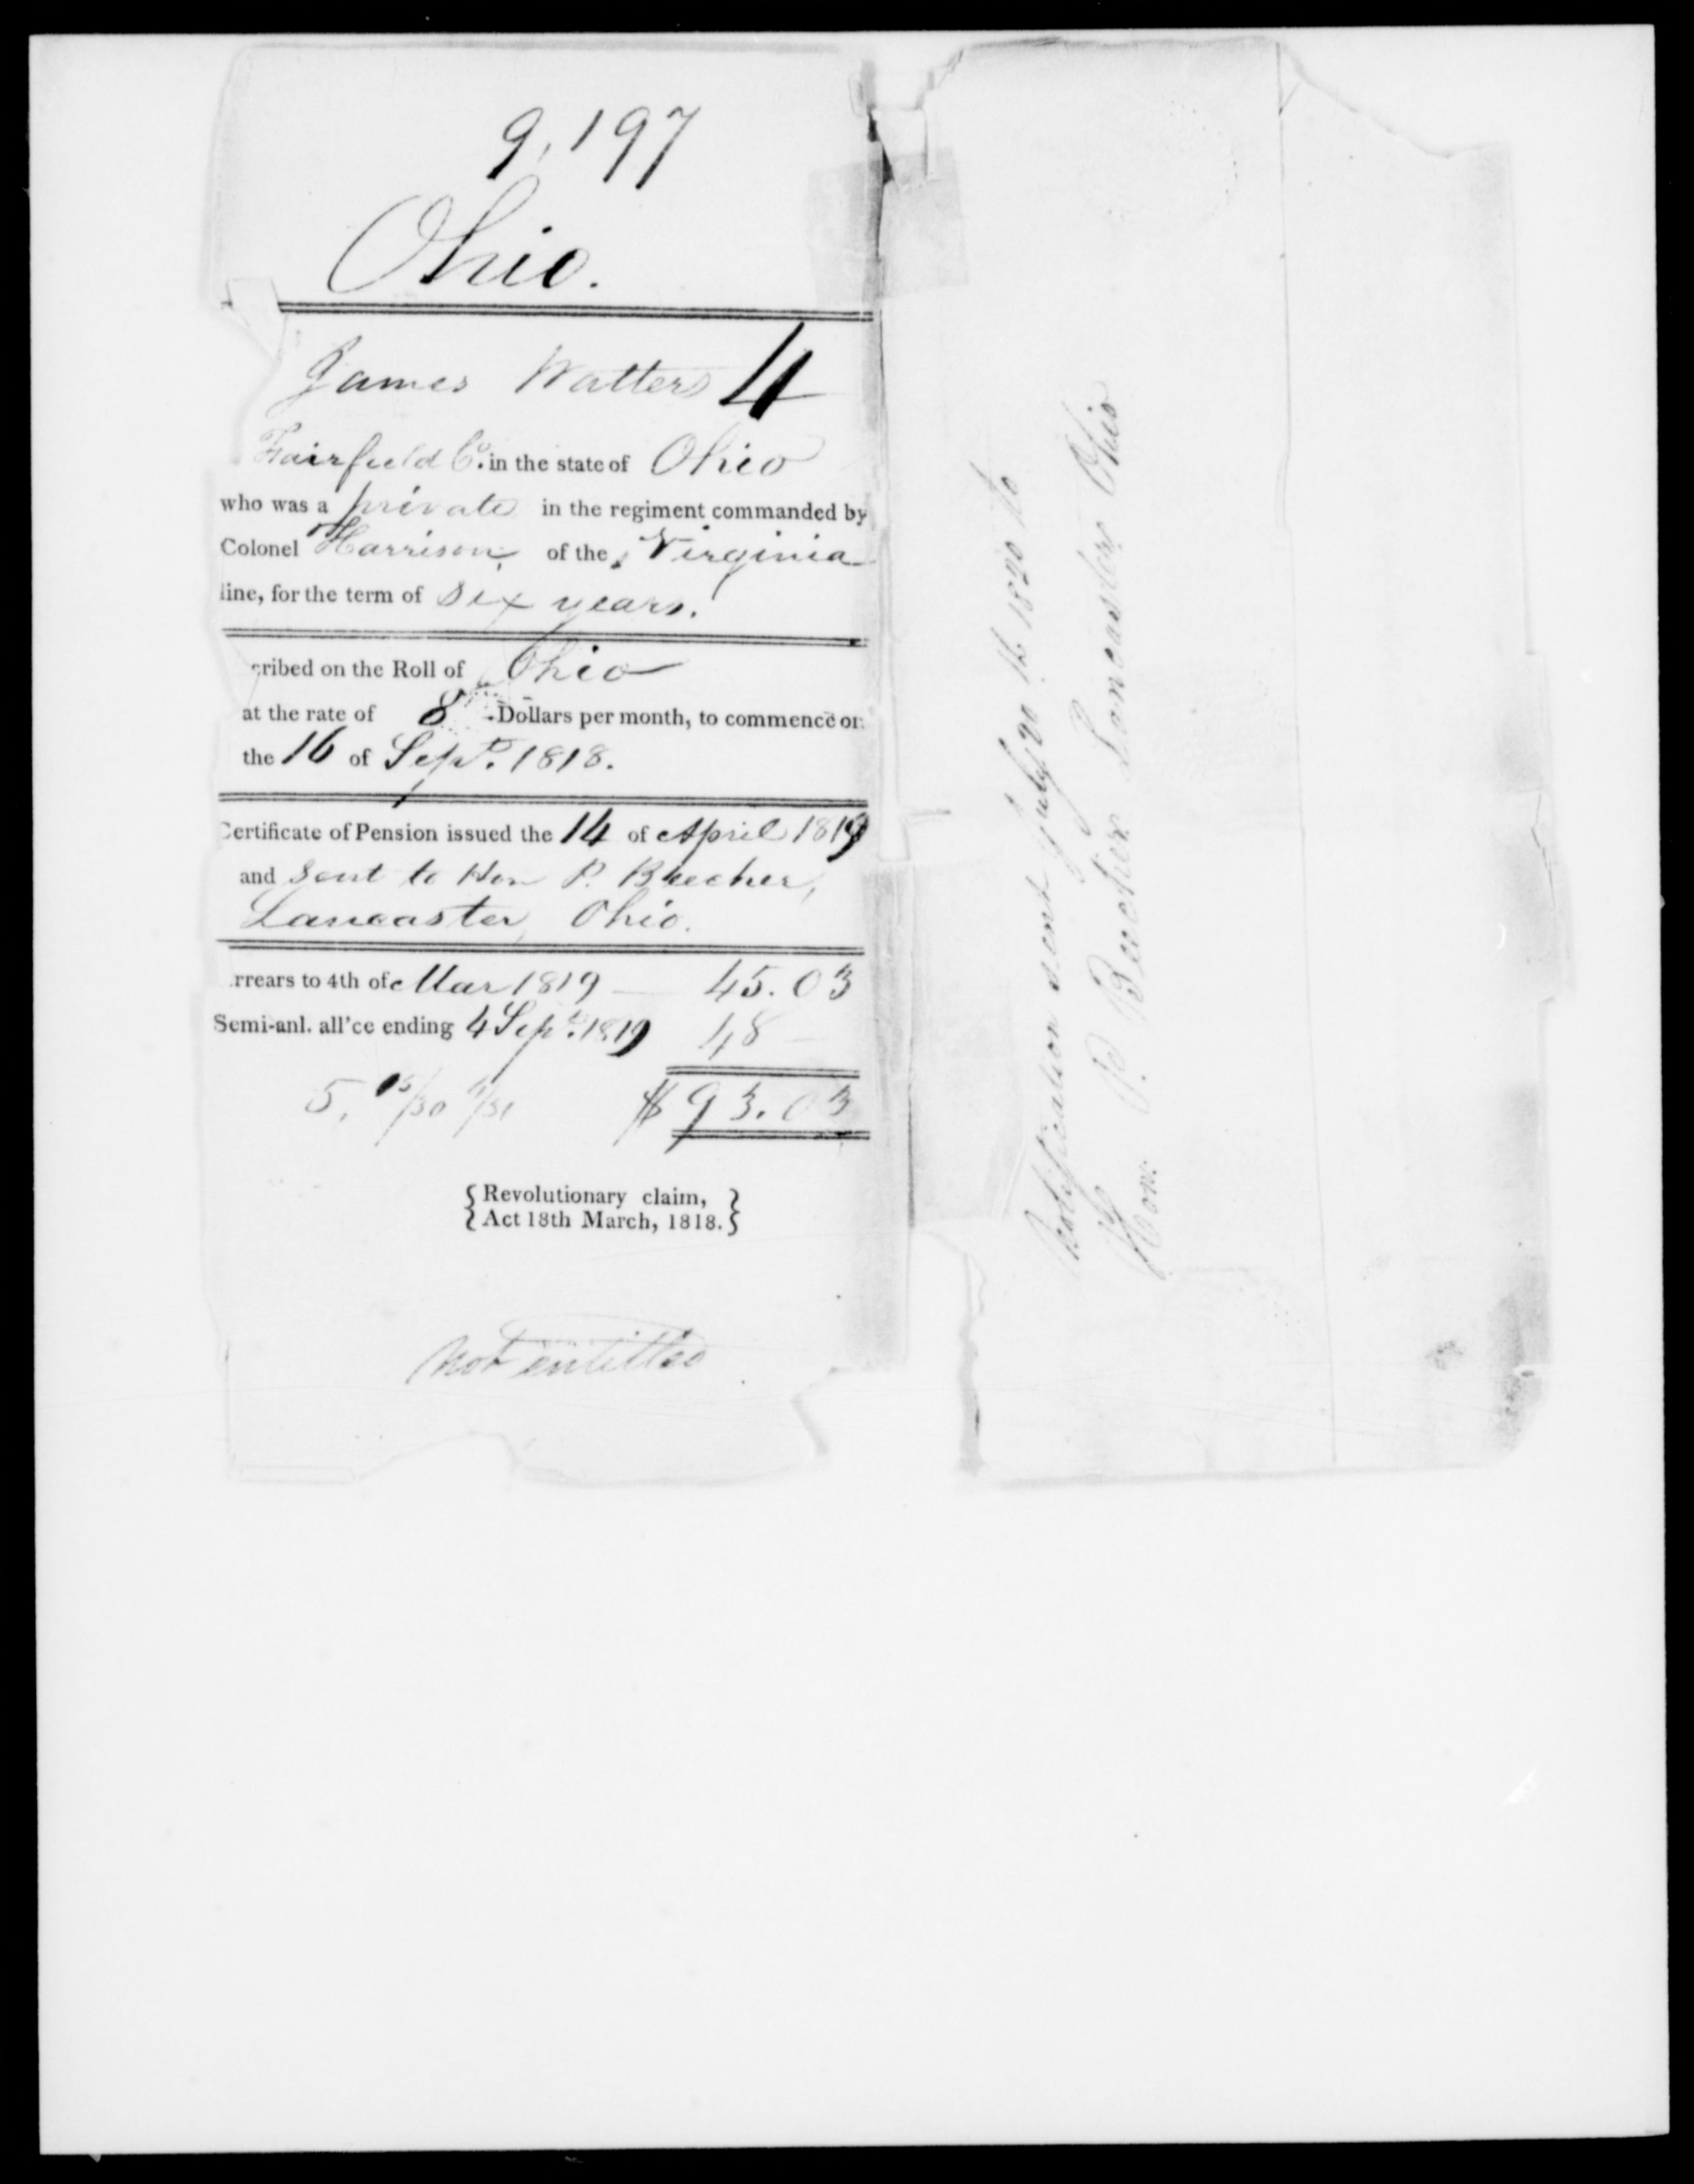9,197
Ohio.
James Watters 4
Fairfeld Co. in the state of Ohio
who was a private in the regiment commanded by
Colonel Harrison of the Virginia
line, for the term of six years. 
Inscribed on the Roll of Ohio
at the rate of 8 Dollars per month, to commence on
the 16 of Sept. 1818. 
Certificate of Pension issued the 14 of April 1819
and sent to Hon. P. Beecher,
Lancaster, Ohio 
Arrears to 4th of Mar 1819  45.03
Semi-anl. all’ce ending 4 Sept 1819  48 --
5. 5/30 4/51    $93.03
{Revolutionary claim,
Act 18th March, 1818.}
Not entitled

Notification sent July 20th 1820 to
Hon: P. Beecher, Lancaster, Ohio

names: James Waters, Harrison, P Bucher Lancaster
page: 2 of 29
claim: survivor's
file: S. 40642, James Waters, Continental (Md)